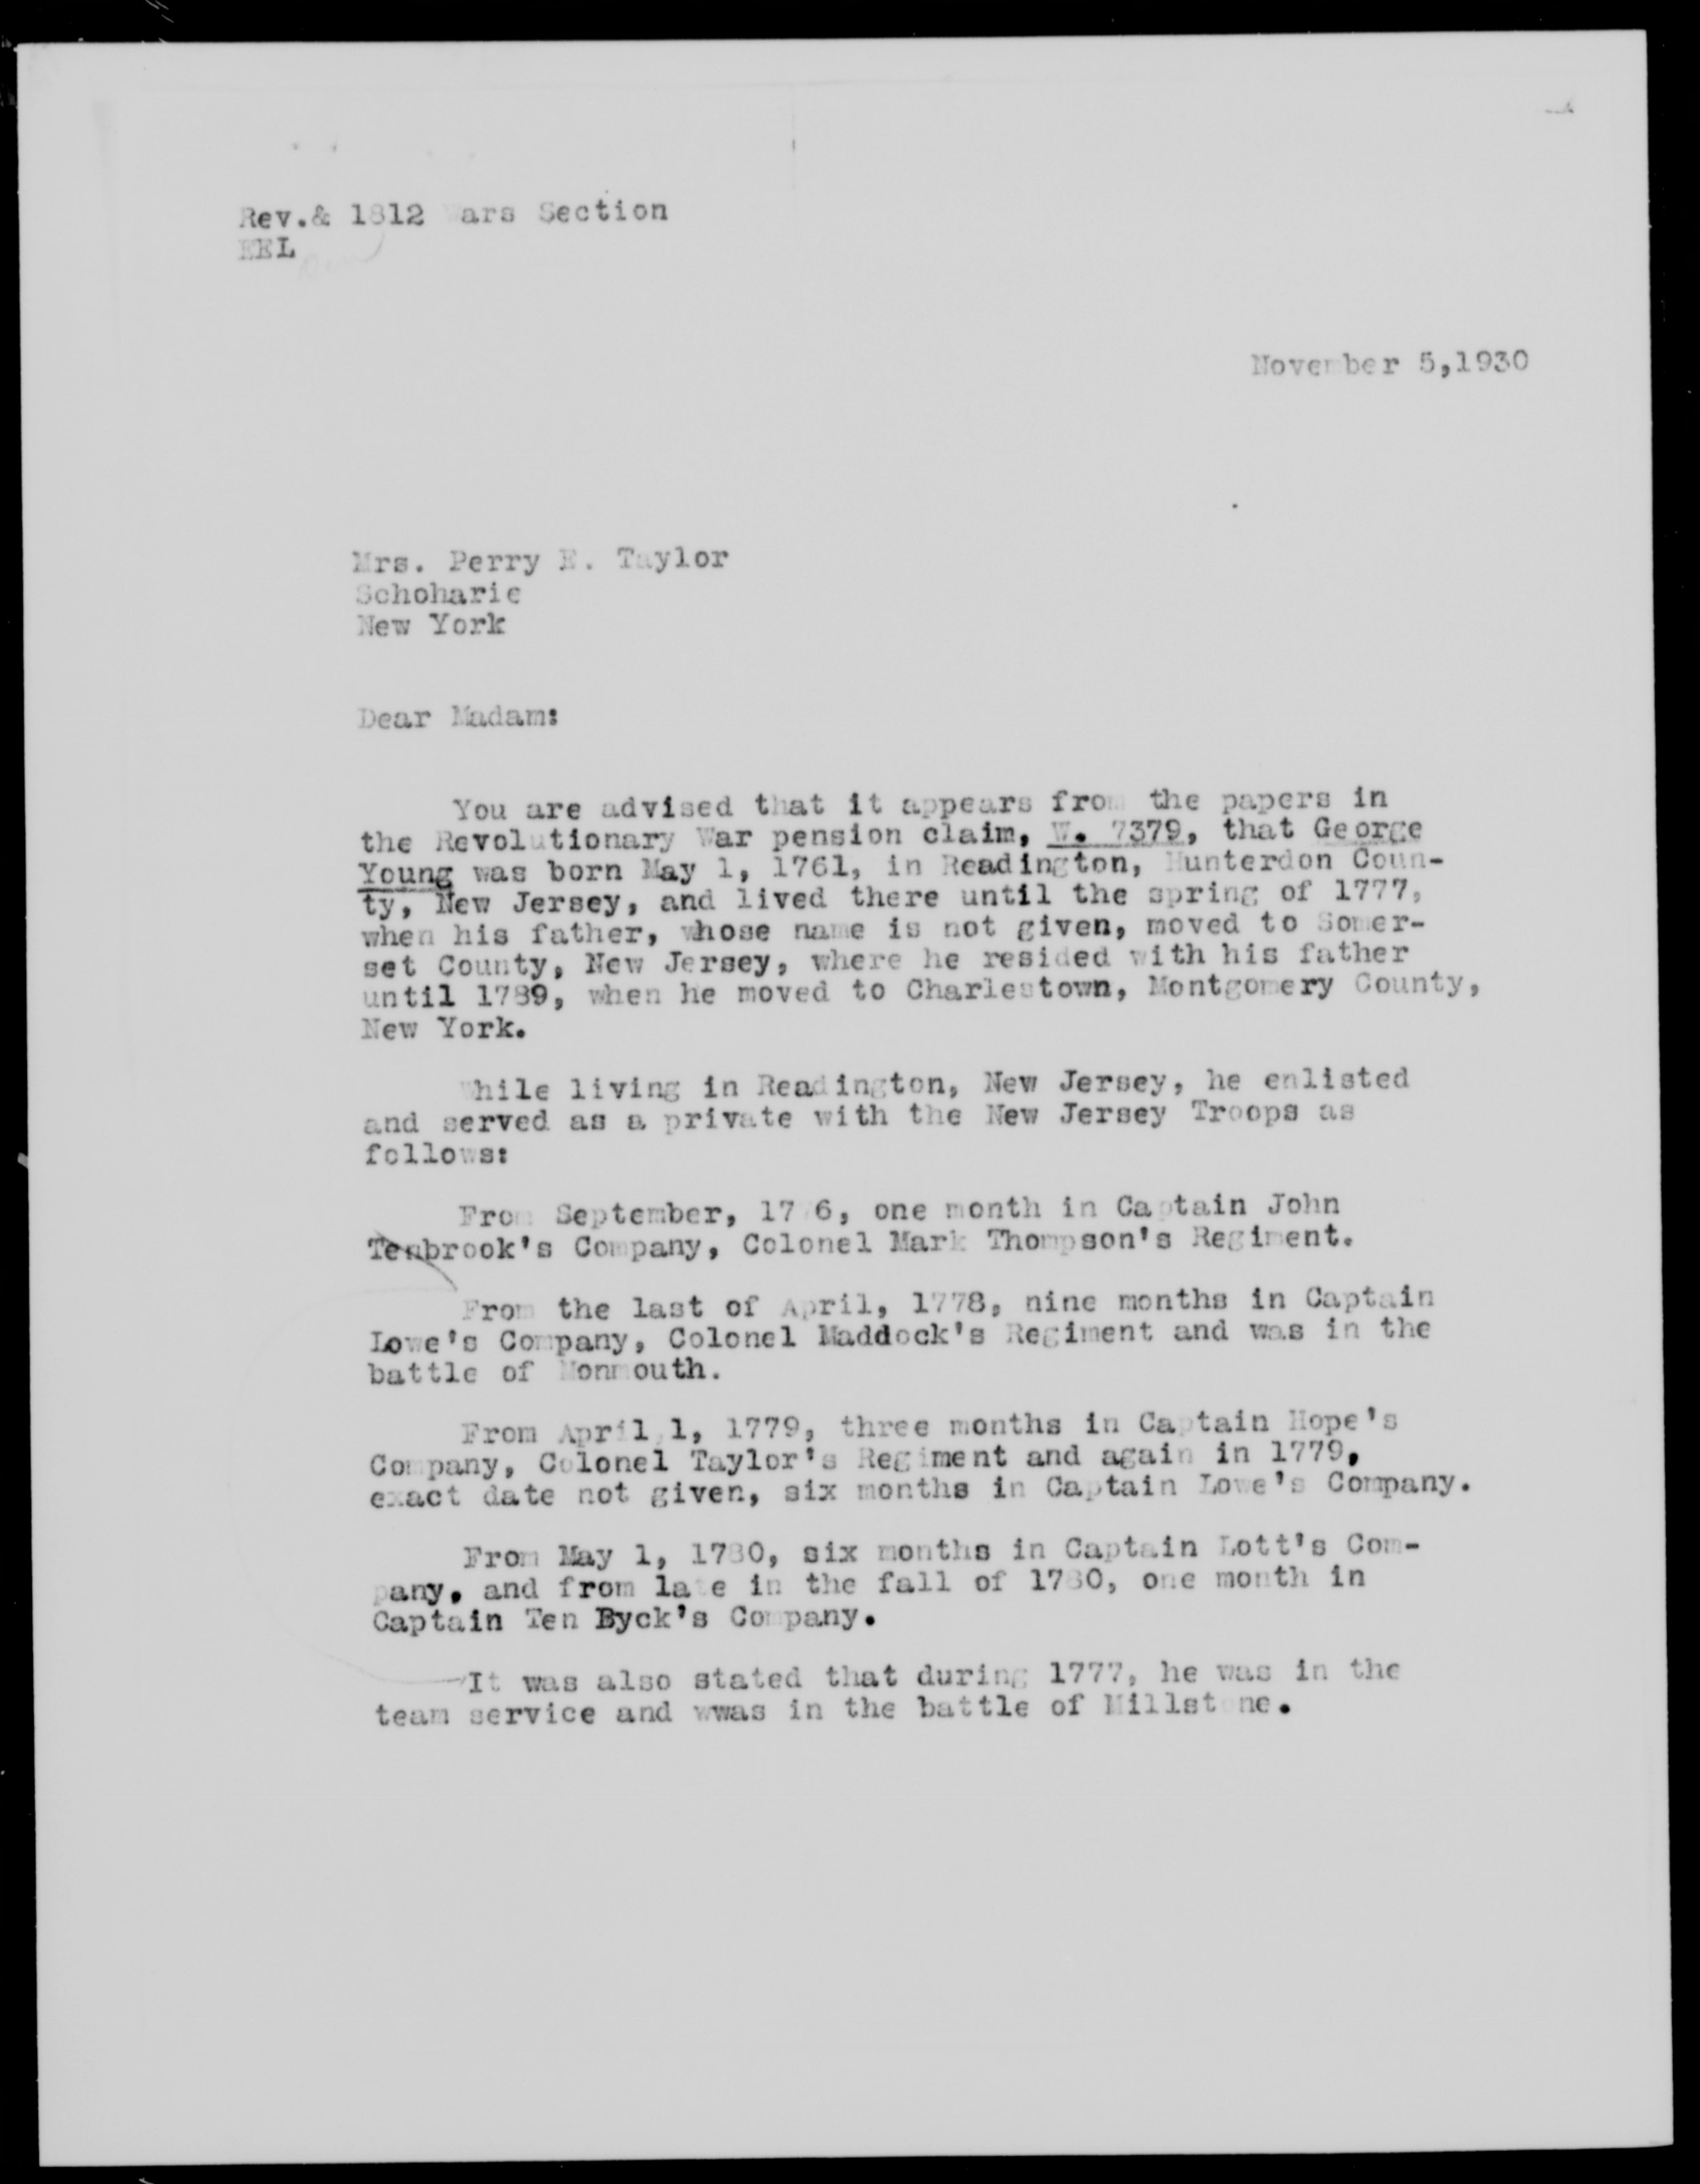Rev. & 1812 Wars Section
EEL
Mrs. Perry E. Taylor
Schoharie
New York
Dear Madam:
November 5, 1930
You are advised that it appears from the papers in
the Revolutionary War pension claim, W. 2379, that George
Young was born May 1, 1761, in Readington, Hunterdon County
, New Jersey, and lived there until the spring of 1777,
when his father, whose name is not given, moved to Somerset County, New Jersey, where he resided with his father
until 1789, when he moved to Charlestown, Montgomery County,
New York.
While living in Readington, New Jersey, he enlisted
and served as a private with the New Jersey Troops as
follows:
From September, 1776, one month in Captain John
Tenbrock's Company, Colonel Mark Thompson's Regiment.
From the last of April, 1778, nine months in Captain
Lowe's Company, Colonel Maddock's Regiment and was in the
battle of Monmouth.
From April 1, 1779, three months in Captain Hope's
Company, Colonel Taylor's Regiment and again in 1779,
exact date not given, six months in Captain Love's Company.
From May 1, 1780, six months in Captain Lott's Company
, and from late in the fall of 1780, one month in
Captain Ten Eyck's Company
It was also stated that during 1777, he was in the
team service and was in the battle of Millstone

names: George Young, Perry E Taylor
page: 26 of 67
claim: widow's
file: W. 7379, George Young, New Jersey